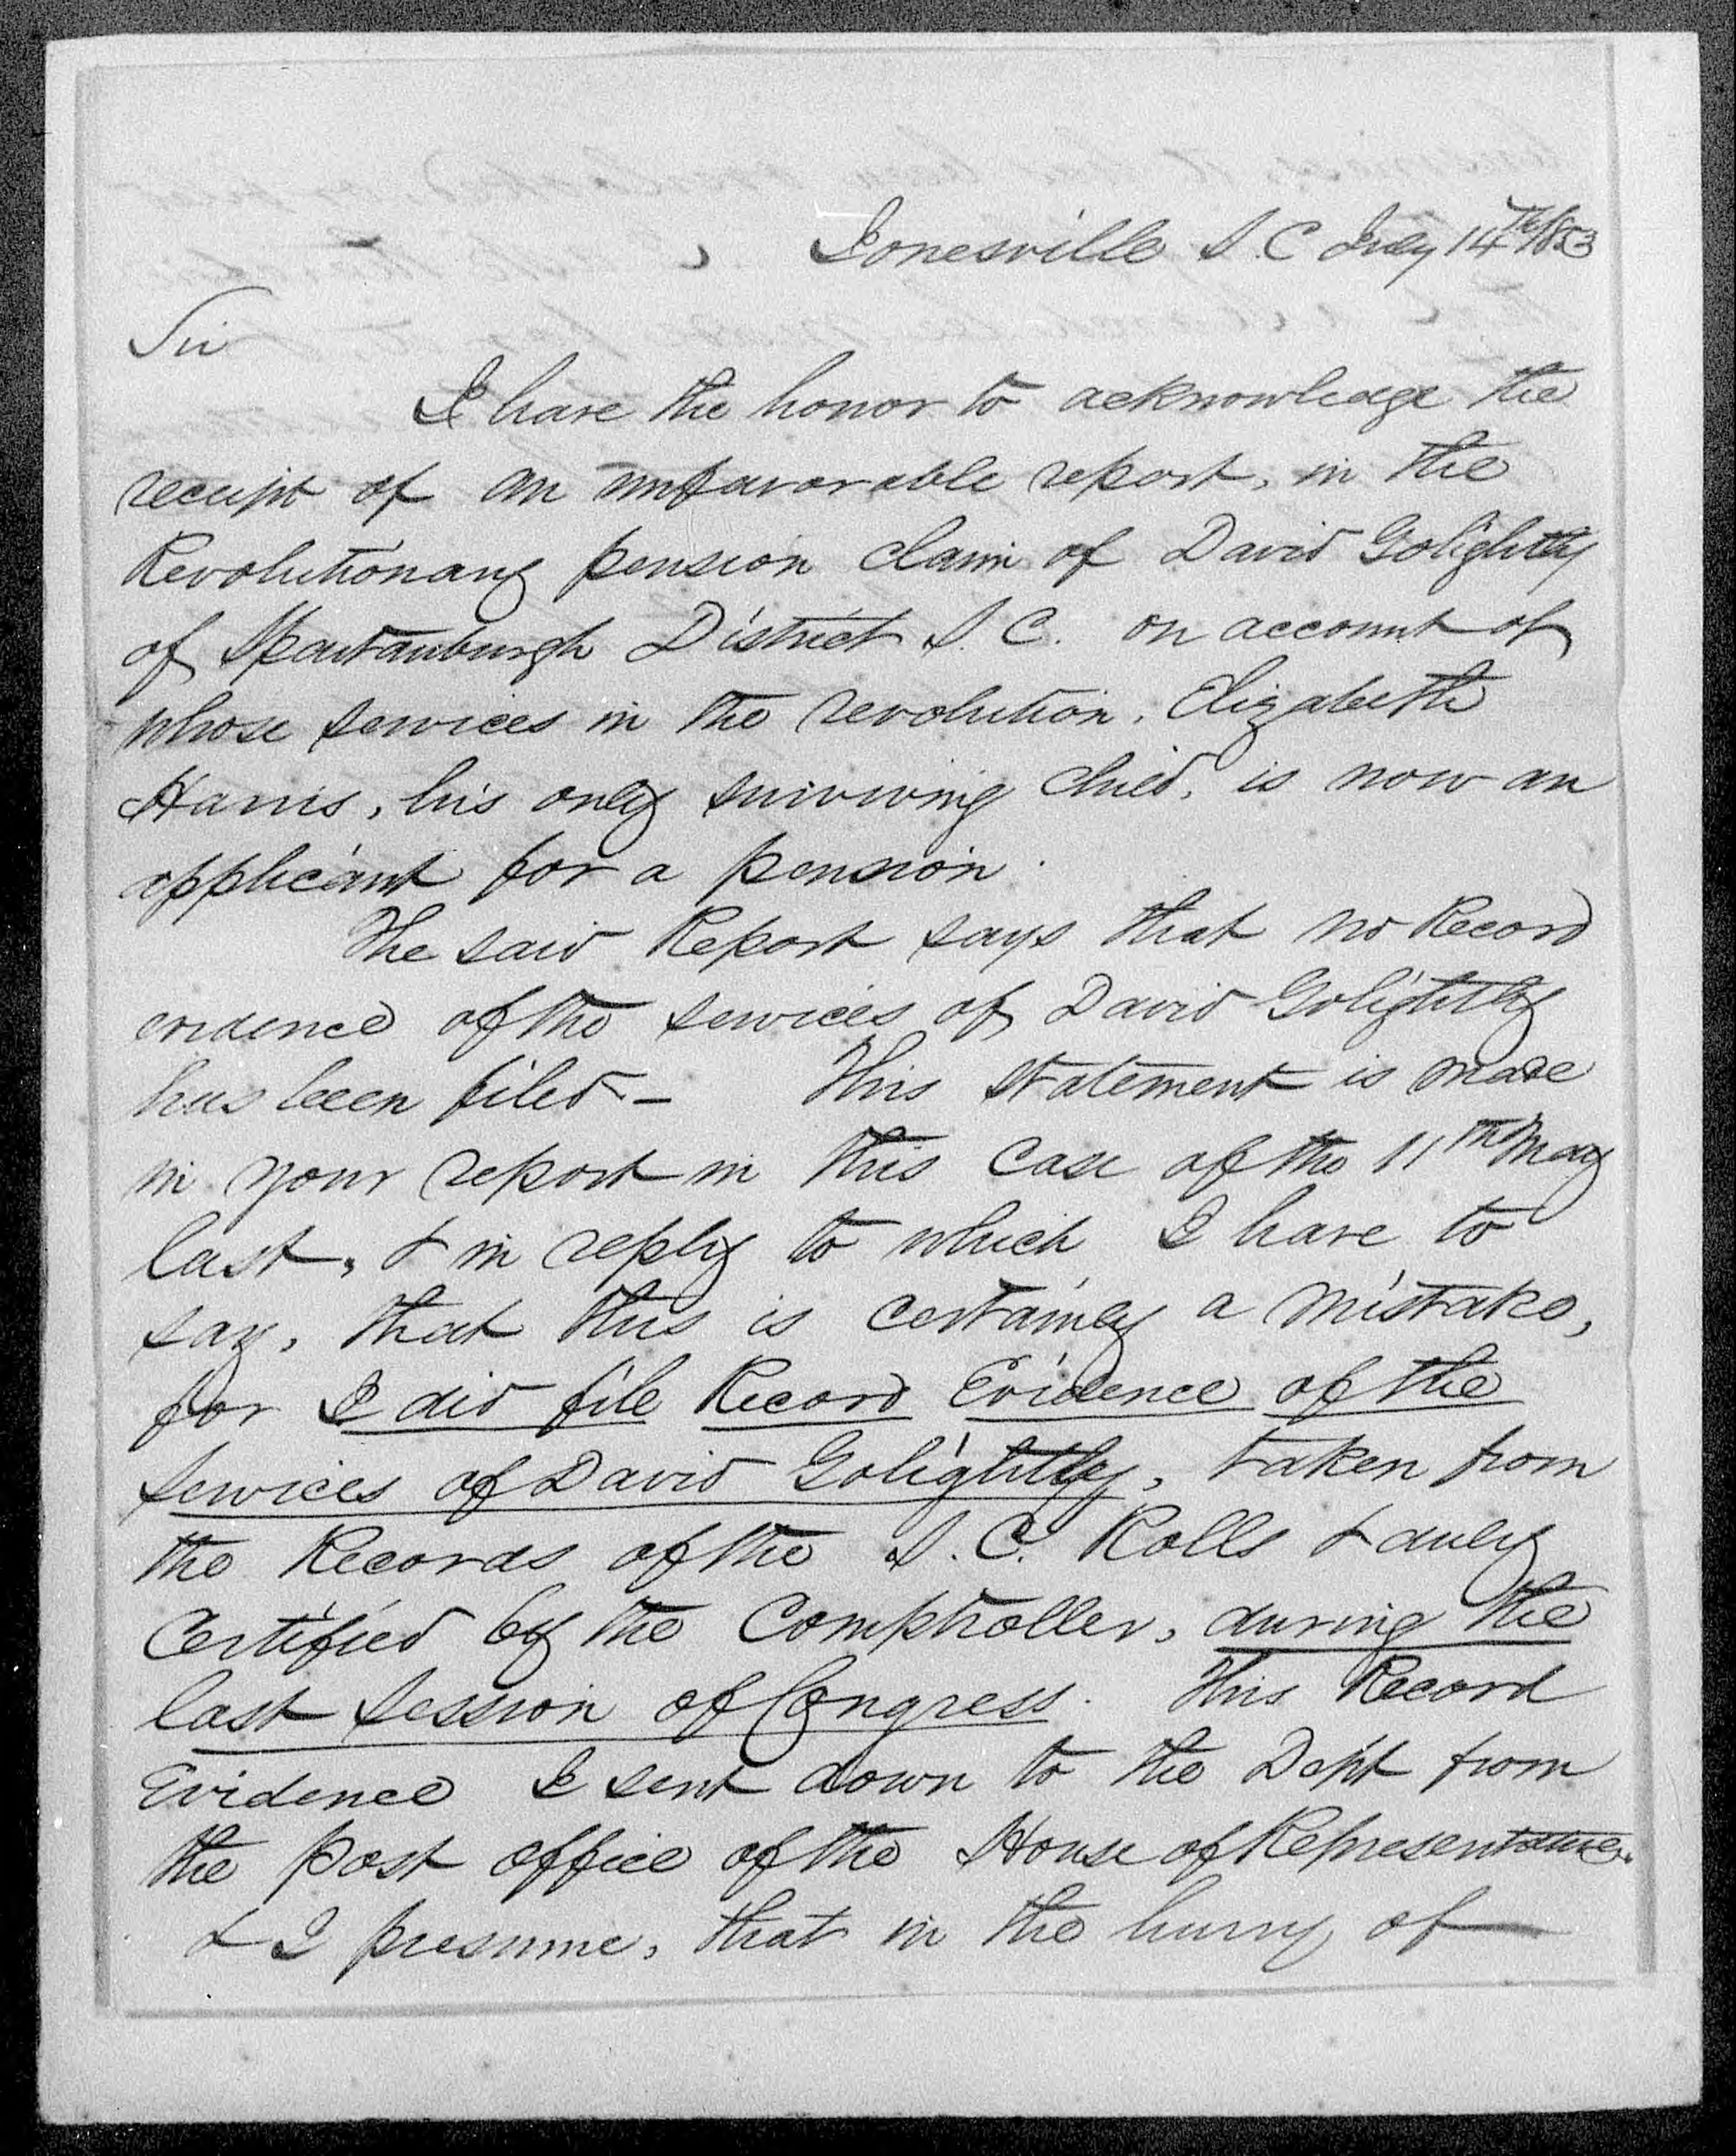Jonesville S.C.
July 14th 1853

Sir

   I have the honor to acknowledge the receipt of an unfavorable report, in the Revolutionary pension claim of David Golightly of Spartanburgh District, S.C. on account of whose services in the Revolution, Elizabeth Harris, his only surviving child, is now an applicant for a pension. 

  The said report says that no record evident of the services of David Golightly has been filed.  This statement is made in your report in this case of the 11th May last, & in reply to which I have to say, that this is certainly a mistake for I did file record evidence of the services of David Golightly, taken from the Records of the S.C. Rolls & duly certified by the Comptroller, during the last session of Congress.  This Record Evidence I sent down to the Dept from the post office of the House of Representatives, & I presume, that in the hurry of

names: David Golightly, Elizabeth Harris, David Golightly, David Golightly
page: 51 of 57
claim: survivor's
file: S. 18888, David Golightly, S.C.